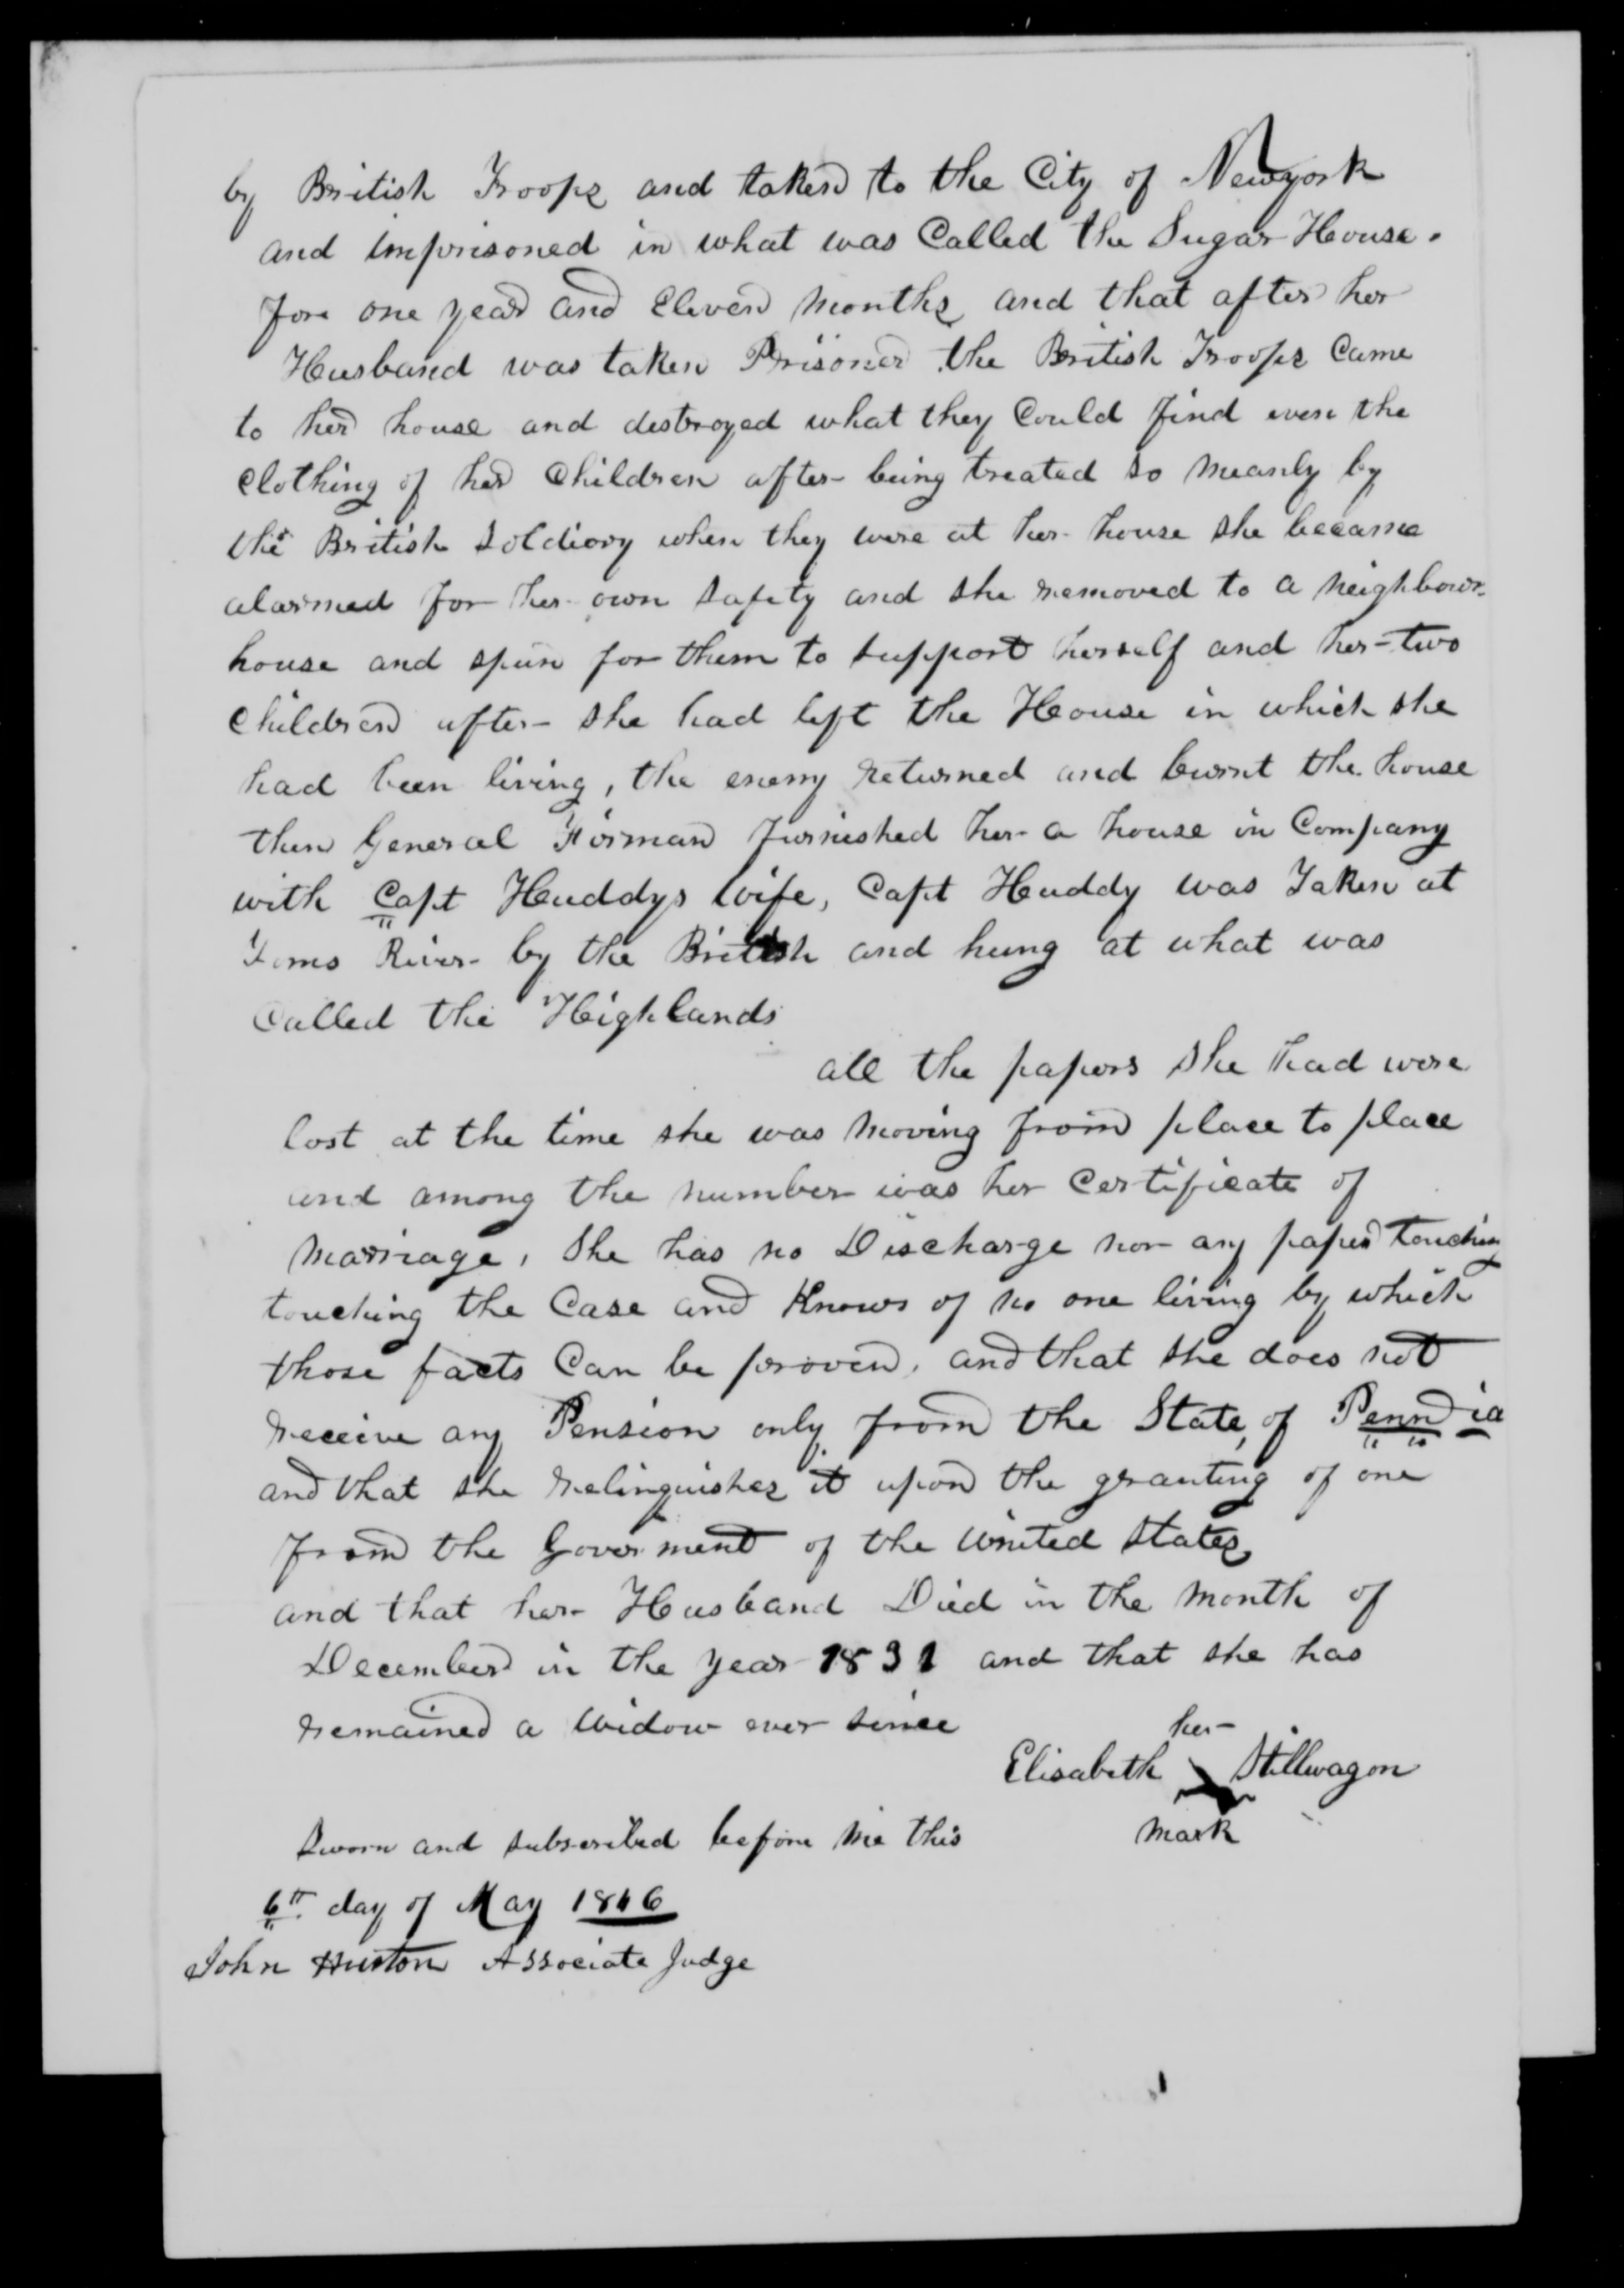by British troops and taken to the City of Newyork [sic] and imprisoned in what was called the Sugar House for one year and eleven months and that after her Husband was taken Prisoner the British Troops came to her house and destroyed what they could find even the clothing of her children after being treated so meanly by the British soldiers when they were at her house she became alarmed for her own safety and she removed to a neighbor house and spun for them to support herself and her two children after she had left the House in which she had been living, the enemy returned and burnt the house then General Forman furnished her a house in Company with Capt Huddys wife, Capt Huddy was taken at Toms River by the British and hung [sic] at what was called the Highlands

All the papers She had were lost at the time she was moving from place to place and among the number was her certificate of marriage.  She has no  Discharge nor any papers touching touching [repeated word] the case and knows of no one living by which those facts can be proven and that she does not receive any Pension only from the State of Pennia [sic, underlined] and that she relinquishes it upon the granting of one from the Government of the United States and that her Husband Died in the month of December in the year 1832 and that she has remained a widow ever since

her
Elisabeth Stillwagon 
[handwritten X]
mark

Sworn and subscribed before me this 6th day of May 1846 [year underlined] John Huston Associate Judge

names: John Huston; [BLANK] Firman; Elisabeth Stillwagon; [BLANK] Huddys; [BLANK] Huddy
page: 4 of 73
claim: widow's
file: W. 3197, for Peter Stillwagon, New Jersey